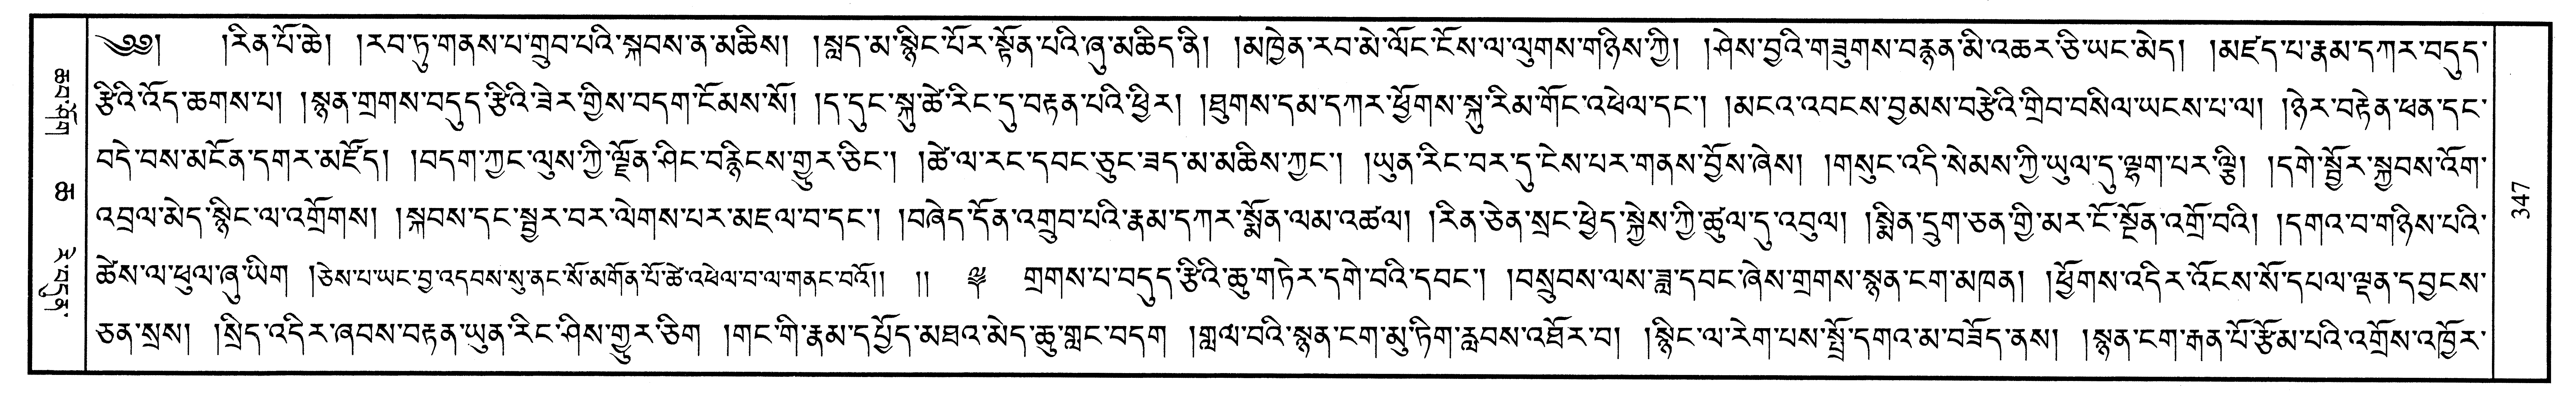༄༅། །རིན་པོ་ཆེ། །རབ་ཏུ་གནས་པ་གྲུབ་པའི་སྐབས་ན་མཆིས། །སླད་མ་སྙིང་པོར་སྟོན་པའི་ཞུ་མཆིད་ནི། །མཁྱེན་རབ་མེ་ལོང་ངོས་ལ་ལུགས་གཉིས་ཀྱི། །ཤེས་བྱའི་གཟུགས་བརྙན་མི་འཆར་ཅི་ཡང་མེད། །མཛད་པ་རྣམ་དཀར་བདུད་
རྩིའི་འོད་ཆགས་པ། །སྙན་གྲགས་བདུད་རྩིའི་ཟེར་གྱིས་བདག་ངོམས་སོ། །ད་དུང་སྐུ་ཚེ་རིང་དུ་བརྟན་པའི་ཕྱིར། །ཐུགས་དམ་དཀར་ཕྱོགས་སྐུ་རིམ་གོང་འཕེལ་དང་། །མངའ་འབངས་བྱམས་བརྩེའི་གྲིབ་བསིལ་ཡངས་པ་ལ། །ཉེར་བརྟེན་ཕན་དང་
བདེ་བས་མངོན་དགར་མཛོད། །བདག་ཀྱང་ལུས་ཀྱི་ལྗོན་ཤིང་བརྙིངས་གྱུར་ཅིང་། །ཚེ་ལ་རང་དབང་ཅུང་ཟད་མ་མཆིས་ཀྱང་། །ཡུན་རིང་བར་དུ་ངེས་པར་གནས་བྱོས་ཞེས། །གསུང་འདི་སེམས་ཀྱི་ཡུལ་དུ་ལྷག་པར་ལྕི། །དགེ་སྦྱོར་སྐྱབས་འོག་
འབྲལ་མེད་སྙིང་ལ་འགྲོགས། །སྐབས་དང་སྦྱར་བར་ལེགས་པར་མཇལ་བ་དང་། །བཞེད་དོན་འགྲུབ་པའི་རྣམ་དཀར་སྨོན་ལམ་འཚལ། །རིན་ཅེན་སྲང་ཕྱེད་སྐྱེས་ཀྱི་ཚུལ་དུ་འབུལ། །སྨིན་དྲུག་ཅན་གྱི་མར་ངོ་སྔོན་འགྲོ་བའི། །དགའ་བ་གཉིས་པའི་
ཚེས་ལ་ཕུལ་ཞུ་ཡིག །ཅེས་པ་ཡང་བྱ་འདབས་སུ་ནང་སོ་མགོན་པོ་ཚེ་འཕེལ་བ་ལ་གནང་བའོ།། །། ༈ གྲགས་པ་བདུད་རྩིའི་ཆུ་གཏེར་དགེ་བའི་དབང་། །བསྲུབས་ལས་ཟླ་དབང་ཞེས་གྲགས་སྙན་ངག་མཁན། །ཕྱོགས་འདིར་འོངས་སོ་དཔལ་ལྡན་དབྱངས་
ཅན་སྲས། །སྲིད་འདིར་ཞབས་བརྟན་ཡུན་རིང་ཤིས་གྱུར་ཅིག །གང་གི་རྣམ་དཔྱོད་མཐའ་མེད་ཆུ་གླང་བདག །གླལ་བའི་སྙན་ངག་མུ་ཏིག་རླབས་འཐོར་བ། །སྙིང་ལ་རེག་པས་སྤྲོ་དགའ་མ་བཟོད་ནས། །སྙན་ངག་རྒན་པོ་རྩོམ་པའི་འགྲོས་འཁྱོར་